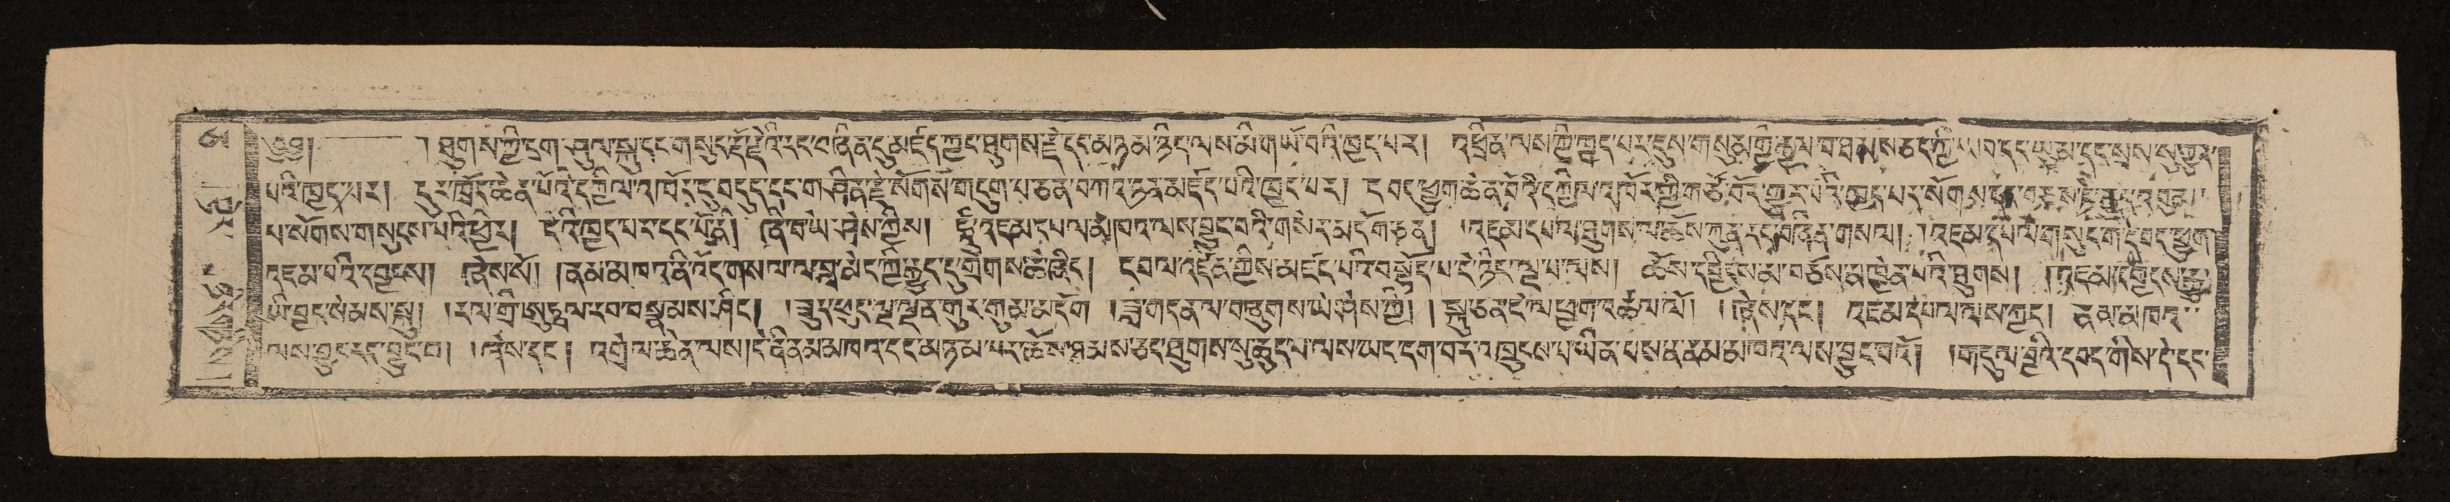༄༅། །ཐུགས་ཀྱི་དྲག་ཤུལ་སྐུ་དང་གསུང་རྡོ་རྗེའི་རང་བཞིན་དུ་མཛད་ཀྱང་ཐུགས་རྗེ་དང་མཉམ་ཉིད་ལས་མི་གཡོ་བའི་ཁྱད་པར། འཕྲིན་ལས་ཀྱི་ཁྱད་པར་དུས་གསུམ་གྱི་རྒྱལ་བ་ཐམས་ཅད་ཀྱི་ཡབ་དང་ཡུམ་དང་སྲས་སུ་གྱུར་
པའི་ཁྱད་པར། དུར་ཁྲོད་ཆེན་པོའི་དཀྱིལ་འཁོར་དུ་བདུད་དང་གཤིན་རྗེ་སོགས་གདུག་པ་ཅན་བཀའ་ཉན་མཛད་པའི་ཁྱད་པར། དབང་ཕྱུག་ཆེན་པོའི་དཀྱིལ་འཁོར་གྱི་གཙོ་བོར་གྱུར་པའི་ཁྱད་པར་སོགས་དང་བཅས་ཏེ་རྒྱུད་འབུམ་
པ་སོགས་གསུངས་པའི་ཕྱིར། དེའི་ཁྱད་པར་དང་པོ་ནི། ཞི་བ་ཡེ་ཤེས་ཀྱིས། ཧཱུཾ་འཇམ་དཔལ་མཁའ་ལས་བྱུང་བའི་གསེར་མདོག་ཅན། །འཇམ་དཔལ་ཐུགས་ལ་ཆོས་ཀུན་རང་བཞིན་གསལ། །འཇམ་དཔལ་གསུང་གི་དབང་ཕྱུག་
འཇམ་པའི་དབྱངས། །ཞེས་སོ། །ནམ་མཁའ་ནི་འོད་གསལ་ལ་བླ་མེད་ཀྱི་རྒྱུད་དུ་གྲགས་ཆེ་ཞིང་། དཔལ་འཛིན་གྱིས་མཛད་པའི་བསྟོད་པ་དེ་ཉིད་ལྔ་པ་ལས། ཆོས་དབྱིངས་མ་བཅོས་མཁྱེན་པའི་ཐུགས། །འཇམ་དབྱངས་རྒྱུ་
ཡི་བྱང་སེམས་སྐུ། །རལ་གྲི་ཨུཏྤལ་རབ་བསྣམས་ཤིང་། །ཟུར་ཕུད་ལྔ་ལྡན་གུར་གུམ་མདོག །ཟླ་གདན་ལ་བཞུགས་ཡེ་ཤེས་ཀྱི། །སྐུ་ཅན་དེ་ལ་ཕྱག་འཚལ་ལོ། །ཞེས་དང་། འཇམ་དཔལ་ལས་ཀྱང་། ནམ་མཁའ་
ལས་བྱུང་རང་བྱུང་བ། །ཞེས་དང་། འགྲེལ་ཆེན་ལས། དེ་ནི་ནམ་མཁའ་དང་མཉམ་པར་ཆོས་ཐམས་ཅད་ཐུགས་སུ་ཆུད་པ་ལས་ཡང་དག་པར་འཁྲུངས་པ་ཡིན་པས་ན་ནམ་མཁའ་ལས་བྱུང་བའོ། །གདུལ་བྱའི་དབང་གིས་དེ་དང་